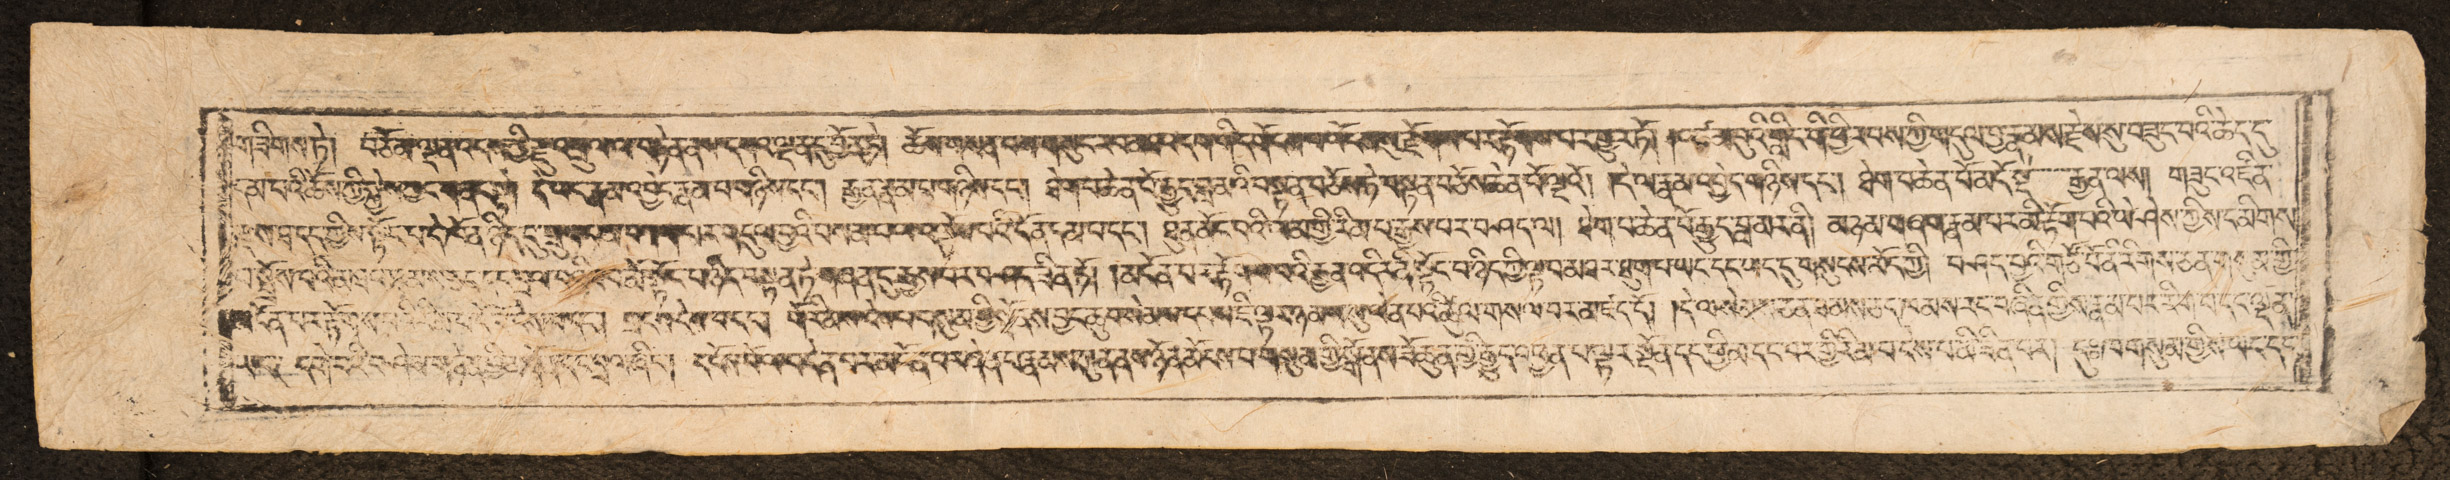གཟིགས་ཏེ། བཅོམ་ལྡན་འདས་ཀྱི་རྫུ་འཕྲུལ་ལ་བརྟེན་ནས་དགའ་ལྡན་དུ་བྱོན་ཏེ། ཆོས་གསན་པས་གསུང་རབ་མཐའ་དག་གི་དགོངས་པ་ཡོངས་སུ་རྫོགས་པར་རྟོགས་པར་གྱུར་ཏོ། །འཛམ་བུའི་གླིང་གི་ཕྱི་རབས་ཀྱི་གདུལ་བྱ་རྣམས་རྗེས་སུ་བཟུང་བའི་ཆེད་དུ་
དམ་པའི་ཆོས་ཀྱི་སྐྱེས་ཀྱང་གནང་སྟེ། དེ་ཡང་རྣམ་འབྱེད་རྣམ་པ་གཉིས་དང་། རྒྱན་རྣམ་པ་གཉིས་དང་། ཐེག་པ་ཆེན་པོ་རྒྱུད་བླ་མའི་བསྟན་བཅོས་ཏེ་བསྟན་བཅོས་ཆེན་པོ་ལྔའོ། །དེ་ལ་རྣམ་འབྱེད་གཉིས་དང་། ཐེག་པ་ཆེན་པོ་མདོ་སྡེ་རྒྱན་ལས། གཟུང་འཛིན་
རྫས་ཐ་དད་ཀྱིས་སྟོང་པ་དེ་ཁོ་ན་ཉིད་དུ་གྲུབ་པ་མ་བཀག་པར་གདུལ་བྱའི་བསམ་པ་ལ་བལྟོས་པའི་དོན་དམ་པ་དང་། ཐུན་མོང་བའི་ལམ་གྱི་རིམ་པ་རྒྱས་པར་བཤད་ལ། ཐེག་པ་ཆེན་པོ་རྒྱུད་བླ་མར་ནི། མཉམ་གཞག་རྣམ་པར་མི་རྟོག་པའི་ཡེ་ཤེས་ཀྱིས་དམིགས་
པ་སྤྲོས་པའི་མཐའ་ཐམས་ཅད་དང་བྲལ་བའི་ཟབ་མོ་སྟོང་པ་ཉིད་བསྟན་ཏེ་གཞན་དུ་རྒྱས་པར་བཤད་ཟིན་ཏོ། །མངོན་པར་རྟོགས་པའི་རྒྱན་འདིར་ནི་སྟོང་པ་ཉིད་ཀྱི་ལྟ་བ་མཐར་ཐུག་པ་ཡང་དང་ཡང་དུ་གསུངས་མོད་ཀྱི། བཤད་བྱའི་གཙོ་བོ་ནི་རིགས་ཅན་གསུམ་གྱི་
མངོན་པར་རྟོགས་པའི་རིམ་པ་ངོ་བོ་ངེས་པ་དང་། གྲངས་ངེས་པ་དང་། གོ་རིམས་ངེས་པ་གསུམ་གྱི་སྒོ་ནས་བྱང་ཆུབ་སེམས་དཔས་ཇི་ལྟར་ཉམས་སུ་ལེན་པའི་ཚུལ་གསལ་བར་མཛད་དོ། །དེ་ལ་སེམས་ཅན་ཐམས་ཅད་ཁམས་རང་བཞིན་གྱིས་རྣམ་པར་རིག་པ་དང་ལྡན་
ཡང་། དགེ་བའི་བཤེས་གཉེན་གྱི་མགོན་དང་བྲལ་ཞིང་། དངོས་པོ་ལ་བདེན་པར་མངོན་པར་ཞེན་པ་རྣམས་ཀུན་ནས་ཉོན་མོངས་པ་གསུམ་གྱི་སྒོ་ནས་ཟོ་ཆུན་གྱི་རྒྱུད་འཕྱན་པ་ལྟར་སྔོན་དང་ཕྱི་མ་དང་བར་གྱི་རིམ་པ་ངེས་པ་མི་ཟིན་པར། དུཿ ཁ་གསུམ་གྱིས་ཡང་དང་